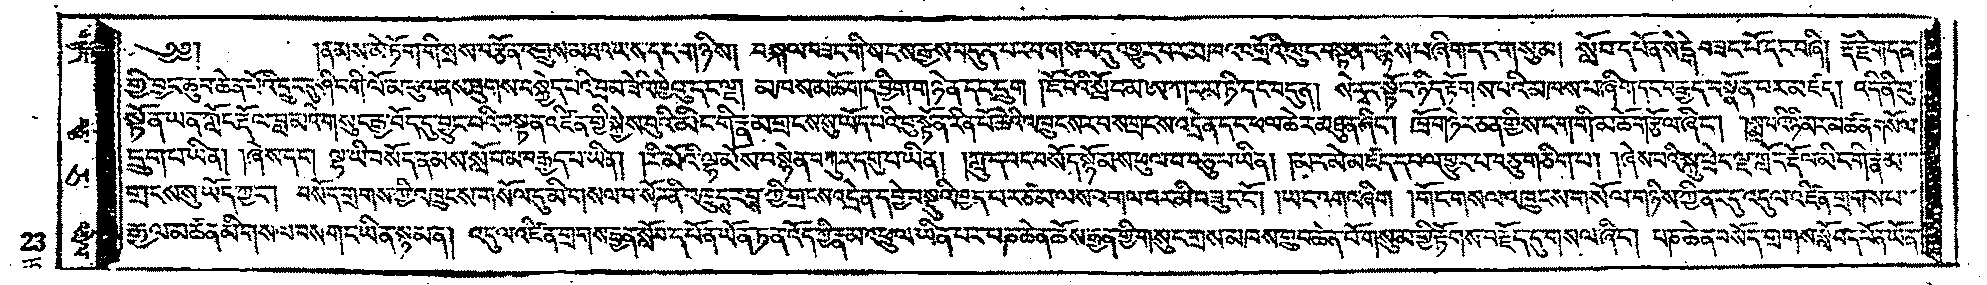༄༅། །ནམས་མེ་ཏོག་གི་སྲས་བརྩོན་འགྲུས་མཐའ་ཡས་དང་གཉིས། བསྐལ་བཟང་གི་སངས་རྒྱས་བདུན་པ་རབ་གསལ་དུ་འགྱུར་བར་མཁའ་འགྲོའི་ལུང་བསྟན་བརྙེས་པ་ཞིག་དང་གསུམ། སློབ་དཔོན་སེངྒེ་བཟང་པོ་དང་བཞི། རྡོ་རྗེ་གདན་
གྱི་བྱང་ཆུབ་ཆེན་པོའི་དྲུང་དུ་ཤིང་གི་ལོ་མ་ཕུལ་ནས་ཐུགས་བསྐྱེད་པའི་བྲམ་ཟེའི་ཁྱེའུ་དང་ལྔ། མཁས་མཆོག་དབྱིག་གཉེན་དང་དྲུག །ཇོ་བོའི་སློབ་མ་ཨ་ཀར་མ་ཏི་དང་བདུན། སེ་རྭར་སྟོང་ཉིད་རྟོགས་པའི་མཁས་པ་ཞིག་དང་བརྒྱད་བསྣོན་པར་མཛད། འདི་ནི་བུ་
སྟོན་ཡན་ཀློང་རྡོལ་བླ་མའི་གསུང་རྒྱ་བོད་དུ་བྱུང་བའི་བསྟན་འཛིན་གྱི་སྐྱེས་བུའི་མིང་གི་རྣམ་གྲངས་སུ་ཡོད་པའི་བུ་སྟོན་རིན་པོ་ཆེའི་འཁྲུངས་རབས་གྲངས་འདྲེན་དང་ཕལ་ཆེར་མཐུན་ཞིང་། ཁྲོ་གཉེར་ཅན་གྱི་ངག་གི་མཆོག་རྩོལ་ཞིང་། །སྨྲ་བའི་ཉི་མར་མཚན་གསོལ་
དྲུག་པ་ཡིན། ཞེས་དང་། ལྷ་ཡི་བསོད་ནམས་སློབ་མ་བརྒྱད་པ་ཡིན། །རི་མོའི་ལྷ་མོས་བསྙེན་བཀུར་དགུ་པ་ཡིན། །ཀླུ་དབང་བསོད་སྙོམས་ཕུལ་བ་བཅུ་པ་ཡིན། །མར་མེ་མཛད་དཔལ་གྱུར་བ་བཅུ་གཅིག་པ། །ཞེས་པའི་སྐུ་ཕྲེང་ལྔ་ཀློང་རྡོལ་མིང་གི་རྣམ་
གྲངས་སུ་ཡོད་ཀྱང་། བསོད་གྲགས་ཀྱི་འཁྲུངས་གསོལ་དུ་མི་གསལ་བ་སོགས་ནི་འཁྲུངས་རབས་ཀྱི་གྲངས་འདྲེན་དབྱེ་བསྡུའི་ཁྱད་པར་ཙམ་ལས་འགལ་བར་མི་བཟུང་ངོ། །ཡང་འགའ་ཞིག །གོང་གསལ་འཁྲུངས་གསོལ་གཉིས་ཀྱི་ནང་དུ་འདུལ་འཛིན་གྲངས་པ་
རྒྱལ་མཚན་མི་གསལ་བས་གང་ཡིན་སྙམ་ནས། འདུལ་འཛིན་གྲགས་རྒྱན་སློབ་དཔོན་ཡོན་ཏན་འོད་ཀྱི་རྣམ་འཕྲུལ་ཡིན་པར་པཎ་ཆེན་ཆོས་རྒྱན་གྱི་གསུང་གྲས་མཁས་གྲུབ་ཆེན་པོ་གསུམ་གྱི་རྟོགས་བརྗོད་དུ་གསལ་ཞིང་། པཎ་ཆེན་བསོད་གྲགས་སློབ་དཔོན་ཡོན་